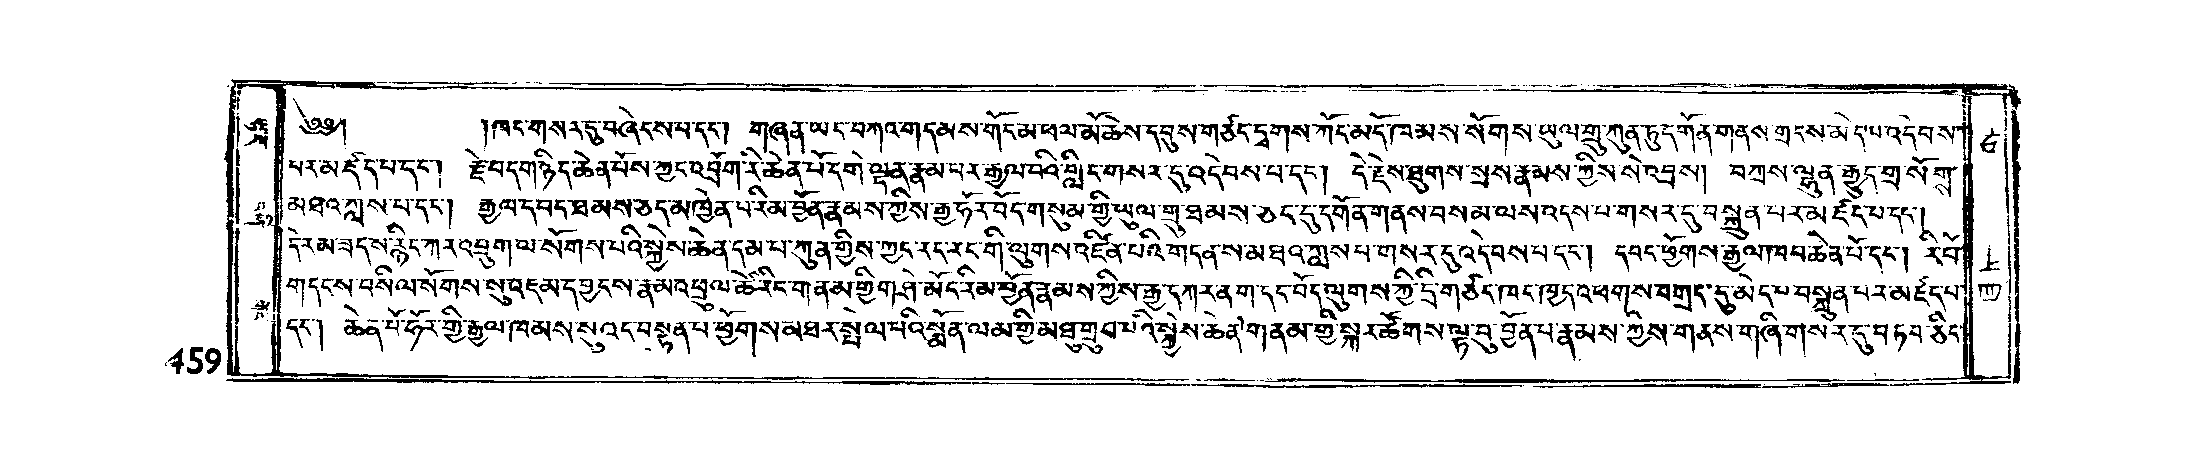༄༅། །ཁང་གསར་དུ་བཞེངས་པ་དང་། གཞན་ཡང་བཀའ་གདམས་གོང་མ་ཕལ་མོ་ཆེས་དབུས་གཙང་དྭགས་ཀོང་མདོ་ཁམས་སོགས་ཡུལ་གྲུ་ཀུན་ཏུ་དགོན་གནས་གྲངས་མེད་པ་འདེབས་
པར་མཛད་པ་དང་། རྗེ་བདག་ཉིད་ཆེན་པོས་ཀྱང་འབྲོག་རི་ཆེན་པོ་དགེ་ལྡན་རྣམ་པར་རྒྱལ་བའི་གླིང་གསར་དུ་འདེབས་པ་དང་། དེ་རྗེས་ཐུགས་སྲས་རྣམས་ཀྱིས་སེ་འབྲས། བཀྲས་ལྷུན་རྒྱུད་གྲ་སོགས་
མཐའ་ཀླས་པ་དང་། རྒྱལ་དབང་ཐམས་ཅད་མཁྱེན་པ་རིམ་བྱོན་རྣམས་ཀྱིས་རྒྱ་ཧོར་བོད་གསུམ་གྱི་ཡུལ་གྲུ་ཐམས་ཅད་དུ་དགོན་གནས་བསམ་ལས་འདས་པ་གསར་དུ་བསྐྲུན་པར་མཛད་པ་དང་།
དེར་མ་ཟད་ས་རྙིང་ཀར་འབྲུག་ལ་སོགས་པའི་སྐྱེས་ཆེན་དམ་པ་ཀུན་གྱིས་ཀྱང་རང་རང་གི་ལུགས་འཛིན་པའི་གདན་ས་མཐའ་ཀླས་པ་གསར་དུ་འདེབས་པ་དང་། དབང་ཕྱོགས་རྒྱལ་ཁབ་ཆེན་པོ་དང་། རི་བོ་
གདངས་བསིལ་སོགས་སུ་འཇམ་དབྱངས་རྣམ་འཕྲུལ་ཚེ་རིང་གནམ་གྱི་གཤེ་མོང་རིམ་བྱོན་རྣམས་ཀྱིས་རྒྱ་དཀར་ནག་དང་བོད་ལུགས་ཀྱི་དྲི་གཙང་ཁང་ཁྱད་འཕགས་བགྲང་དུ་མེད་པ་བསྐྲུན་པར་མཛད་པ་
དང་། ཆེན་པོ་ཧོར་གྱི་རྒྱལ་ཁམས་སུའང་བསྟན་པ་ཕྱོགས་མཐར་སྤེལ་པའི་སྨོན་ལམ་གྱི་མཐུ་གྲུབ་པའི་སྐྱེས་ཆེན་གནམ་གྱི་སྐར་ཚོགས་ལྟ་བུ་བྱོན་པ་རྣམས་ཀྱིས་གནས་གཞི་གསར་དུ་བཏབ་ཅིང་